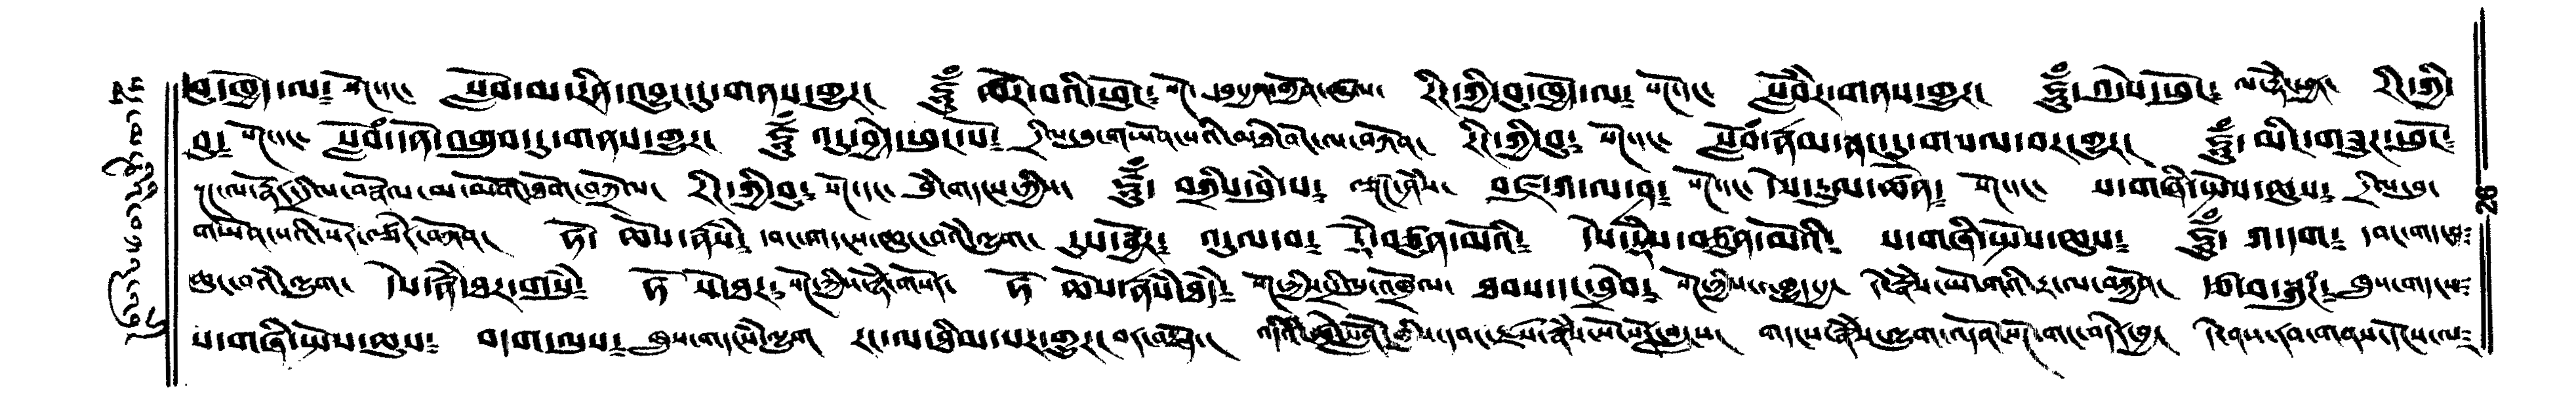བུ་ཁྱོད་ལ༴ སོགས་དང་། སློབ་མ་རིན་འབྱུང་དུ་གནས་གྱུར༔ ཧཱུྃ༔ ཚོར་བའི་ཕུང་པོ༴ སོགས། དབུ་རྒྱན་གྱོན་ཚུལ། རིགས་ཀྱི་བུ་ཁྱོད་ལ༴ སོགས་དང་། སློབ་མར་གནས་གྱུར༔ ཧཱུྃ༔ འདུ་བྱེད་ཕུང་པོ༴ རྡོ་རྗེ་ཕྱར། རིགས་ཀྱི་
བུ༴ སོགས་དང་། སློབ་མ་དོན་འགྲུབ་དུ་གནས་གྱུར༔ ཧཱུྃ༔ འདུ་བྱེད་ཕུང་པོ༴ དྲིལ་བུ་གཡོན་པའི་མཐེ་བོང་ལ་སྐོན། རིགས་ཀྱི་བུ༴ སོགས་དང་། སློབ་མ་རྣམ་སྣང་དུ་གསལ་བར་གྱུར༔ ཧཱུྃ༔ མིང་གཟུགས་ཕུང་པོ༴ 
སྔགས་ལ་རྡོར་དྲིལ་བསྣོལ་མ་མགོ་ཐོག་དཀྲོལ། རིགས་ཀྱི་བུ༴ སོགས་དང་། བུམ་གདངས་ཀྱིས། ཧཱུྃ༔ བཀྲ་ཤིས་བུམ་པ༴ རྩ་སྔགས་གཤམ། བཛྲ་ཀ་ལ་ཤ༴ སོགས་དང་། དེས་རྡུལ་ཚོན༴ སོགས་དང་། ས་གཞི་སྤོས་ཆུས༴ དྲིལ་བུ་
གཡོན་པའི་སོར་རྩེར་སྐོན། ཧོ༔ ཆོས་རྣམས༴ དབང་གདངས་ཆུང་བའམ་ལྷུག་འདོན། དུས་སྦྱོར༴ འདུལ་བ༴ རྡོ་རྗེ་བཙུན་མོའི༴ དེས་རྡོ་རྗེ་བཙུན་མོའི༴ ས་གཞི་སྤོས་ཆུས༴ ཧཱུྃ༔ ཀ་དག༴ དབང་གདངས་
ཆུང་བའམ་ལྷུག་འདོན། དེས་རྣམ་ཐར་གསུམ༴ ཧོ༔ སོ་ཐར༴ སོགས་ཀྱི་རྡོ་རྗེ་གསོར། ཧོ༔ ཆོས་རྣམས་ཐམས་ཅད༴ སོགས་ཀྱིས་དྲིལ་བུ་ཁྲོལ། ཐབས་དང་ཤེས་རབ༴ སོགས་ཀྱིས་འཁྱུད་རྒྱ། དེ་རྣམས་ཡོ་གའི་རྟ་ལ་བསྐྱོན། རྩ་བ་སྐུ་གསུང་ཐུགས༴ ཁྲུས་གདངས༴ 
ས་གཞི་སྤོས་ཆུས༴ བདག་ལུས༴ ཁྲུས་གདངས་སམ་ལྷུག་འདོན།རང་ལ་ཐིམ་པར་གྱུར་བར་རྗོད། འདིའི་ཚེ་སློབ་དཔོན་གྱིས་དབང་རྫས་རྣམས་སོ་སོར་བླང་། གདངས་རྣམས་ལྷུག་འདོན་སོགས་གང་བདེར་བྱ། དེ་ནས་རབ་གནས་དངོས་ལ༴